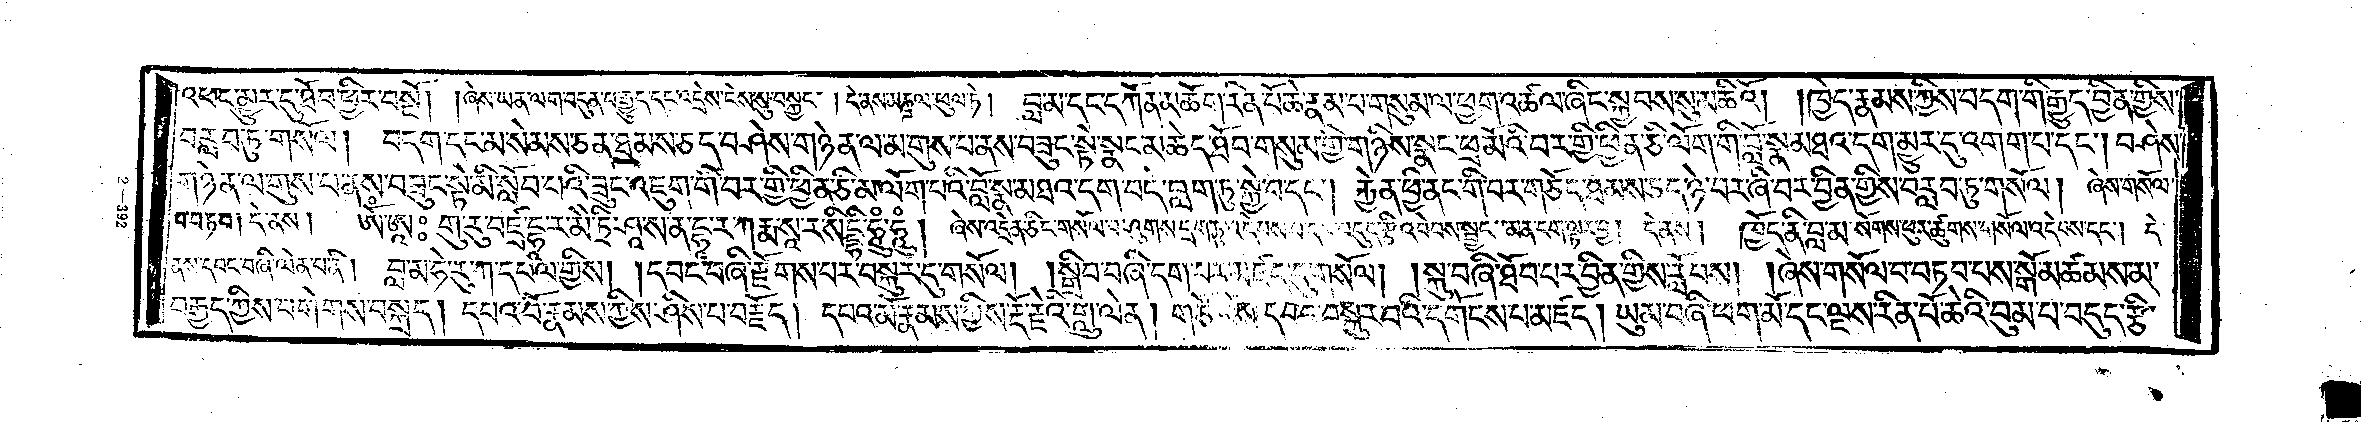འཕང་མྱུར་དུ་ཐོབ་ཕྱིར་བསྔོ། །ཞེས་ཡན་ལག་བདུན་པ་རྒྱུད་དང་འདྲེས་ངེས་སུ་བསྐྱང་།དེ་ནས་མཎྜལ་ཕུལ་ཏེ།  བླ་མ་དང་དཀོན་མཆོག་རིན་པོ་ཆེ་རྣམ་པ་གསུམ་ལ་ཕྱག་འཚལ་ཞིང་སྐྱབས་སུ་མཆིའོ། །ཁྱེད་རྣམས་ཀྱིས་བདག་གི་རྒྱུད་བྱིན་གྱིས་
བརླབ་ཏུ་གསོལ། བདག་དང་མ་སེམས་ཅན་ཐམས་ཅད་བཤེས་གཉེན་ལ་མ་གུས་པ་ནས་བཟུང་སྟེ་སྣང་མཆེད་ཐོབ་གསུམ་གྱི་གཉིས་སྣང་ཕྲ་མོའི་བར་གྱི་ཕྱིན་ཅི་ལོག་གི་བློ་སྣ་མཐའ་དག་མྱུར་དུ་འགག་པ་དང་། བཤེས་
གཉེན་ལ་གུས་པ་ནས་བཟུང་སྟེ་མི་སློབ་པའི་ཟུང་འཇུག་གི་བར་གྱི་ཕྱིན་ཅི་མ་ལོག་པའི་བློ་སྣ་མཐའ་དག་བདེ་བླག་ཏུ་སྐྱེ་བ་དང་། རྐྱེན་ཕྱི་ནང་གི་བར་གཅོད་ཐམས་ཅད་ཉེ་བར་ཞི་བར་བྱིན་གྱིས་བརླབ་ཏུ་གསོལ། ཞེས་གསོལ་
བ་བཏབ༑ དེ་ནས། ཨོཾ་ཨཱཿགུ་རུ་བཛྲ་དྷཱ་ར་མཻ་ཏྲི་ཤཱ་ས་ན་དྷཱ་ར་ཀརྨ་སཱ་ར་སིདྡྷི་ཧཱུཾ་ཧཱུཾ། ཞེས་འདྲེན་ཅིང་གསོལ་བ་ཤུགས་དྲག་ཏུ་འདེབས་པ་དང་བདུད་རྩི་འབེབས་སྦྱང་མན་ངག་ལྟར་བྱ། དེ་ནས།  ཁྱོད་ནི་བླ་མ་སོགས་ཕུར་ཚུགས་གསོལ་འདེབས་དང་། དེ་
ནས་དབང་བཞི་ལེན་པ་ནི། བླ་མ་ཧེ་རུ་ཀ་དཔལ་གྱིས། །དབང་བཞི་རྫོགས་པར་བསྐུར་དུ་གསོལ། །སྒྲིབ་བཞི་དག་པར་མཛད་དུ་གསོལ། །སྐུ་བཞི་ཐོབ་པར་བྱིན་གྱིས་རློབས། །ཞེས་གསོལ་བ་བཏབ་པས་སྒོ་མཚམས་མ་
བརྒྱད་ཀྱིས་བགེགས་བསྐྲད། དཔའ་བོ་རྣམས་ཀྱིས་ཤིས་པ་བརྗོད། དཔའ་མོ་རྣམས་ཀྱིས་རྡོ་རྗེའི་གླུ་ལེན། གཙོ་བོས་དབང་བསྐུར་བའི་དགོངས་པ་མཛད། ཡུམ་བཞི་ཕག་མོ་དང་ལྔས་རིན་པོ་ཆེའི་བུམ་པ་བདུད་རྩི་